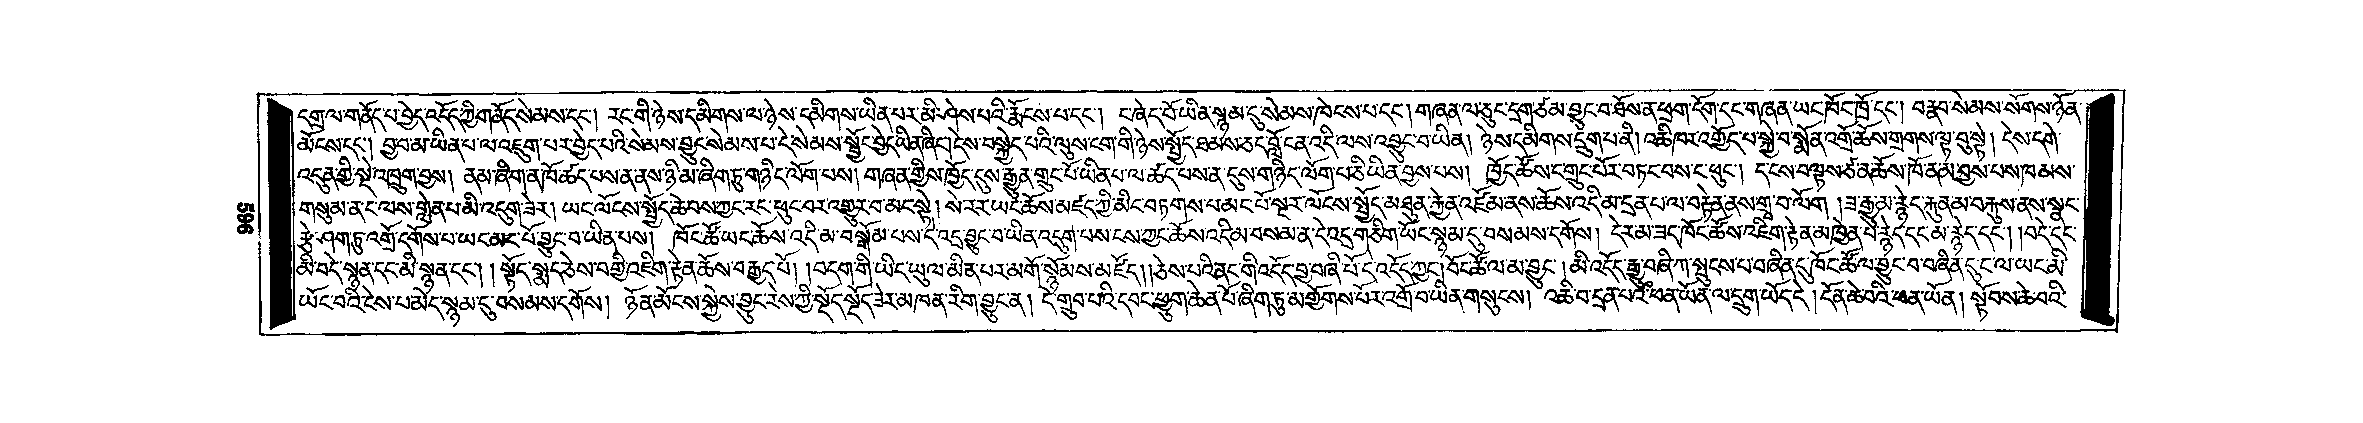དགྲ་ལ་གནོད་པ་བྱེད་འདོད་ཀྱི་གནོད་སེམས་དང་། རང་གི་ཉེས་དམིགས་ལ་ཉེས་དམིགས་ཡིན་པར་མི་ཤེས་པའི་རྨོངས་པ་དང་། བཞེད་པོ་ཡིན་སྙམ་དུ་སེམས་ཁེངས་པ་དང་། གཞན་ལ་ཅུང་དྲག་ཙམ་བྱུང་བ་ཐོས་ན་ཕྲག་དོག་དང་གཞན་ཡང་ཁོང་ཁྲོ་དང་། བརྣབ་སེམས་སོགས་ཉོན་
མོངས་དང་། བྱ་བ་མ་ཡིན་པ་ལ་འཇུག་པར་བྱེད་པའི་སེམས་བྱུང་སེམས་པ་དེ་སེམས་སྦྱོང་བྱེད་ཡིན་ཞིང་། དེས་བསྐྱེད་པའི་ལུས་ངག་གི་ཉེས་སྤྱོད་ཐམས་ཅད་བློ་ངན་འདི་ལས་འབྱུང་བ་ཡིན། ཉེས་དམིགས་དྲུག་པ་ནི། འཆི་ཁར་འགྱོད་པ་སྐྱེ་བ་སྨོན་འགྲོ་ཆོས་གྲགས་ལྟ་བུ་སྟེ། དེས་དགེ་
འདུན་གྱི་སྡེ་འཁྲུག་བྱས། ནམ་ཞིག་ན་ཁོ་ཚད་པས་ན་ནས་ཉི་མ་ཞིག་ཏུ་གཉིད་ལོག་པས། གཞན་གྱིས་ཁྱོད་དུས་རྒྱུན་གྲུང་པོ་ཡིན་པ་ལ་ཚད་པས་ན་དུས་གཉིད་ལོག་པ་ཅི་ཡིན་བྱས་པས། ཁྱོད་ཚོས་ང་གྲུང་པོར་བཏང་བས་ང་ཕུང་། ད་ངས་བལྟས་ཙ་ན་ཆོས་ཁོ་ན་མ་བྱས་པས་ཁམས་
གསུམ་ན་ང་ལས་གླེན་པ་མི་འདུག་ཟེར། ཡང་ལོངས་སྤྱོད་ཆེ་བས་ཀྱང་རང་ཕུང་བར་འགྱུར་བ་མང་སྟེ། སེ་རར་ཡང་ཆོས་མཛད་ཀྱི་མིང་བཏགས་པ་མང་པོ་སྔར་ལོངས་སྤྱོད་མཐུན་རྐྱེན་འཛོམ་ནས་ཆོས་འདི་མ་དྲན་པ་ལ་བརྟེན་ནས་གྲྭ་བ་ལོག །ཟ་རྒྱུ་མ་རྙེད་རྐུན་མ་བརྐུས་ནས་སྣང་
རྩེ་ཤག་ཏུ་འགྲོ་དགོས་པ་ཡང་མང་པོ་བྱུང་བ་ཡིན་པས། ཁོང་ཚོ་ཡང་ཆོས་འདི་མ་བསྒོམ་པས་དེ་འདྲ་བྱུང་བ་ཡིན་འདུག་པས་ངས་ཀྱང་ཆོས་འདི་མ་བསམ་ན་དེ་འདྲ་གཅིག་ཡོང་སྙམ་དུ་བསམས་དགོས། དེར་མ་ཟད་ཁོང་ཚོས་འཇིག་རྟེན་མཁྱེན་པ་རྙེད་དང་མ་རྙེད་དང་། །བདེ་དང་
མི་བདེ་སྙན་དང་མི་སྙན་དང་། །སྟོད་སྨད་ཅེས་བགྱི་འཇིག་རྟེན་ཆོས་བརྒྱད་པོ། །བདག་གི་ཡིད་ཡུལ་མིན་པར་མགོ་སྙོམས་མཛོད། །ཅེས་པའི་ནང་གི་འདོད་བྱ་བཞི་པོ་དེ་འདོད་ཀྱང་། བོང་ཚོ་ལ་མ་བྱུང་། མི་འདོད་རྒྱུ་བཞི་ཀ་སྤུངས་པ་བཞིན་དུ་ཁོང་ཚོ་ལ་བྱུང་བ་བཞིན་དུ་ང་ལ་ཡང་མི་
ཡོང་བའི་ངེས་པ་མེད་སྙམ་དུ་བསམས་དགོས། ཉོན་མོངས་སྐྱེས་བྱུང་རེས་ཀྱི་སྡོད་སྡོད་ཟེར་མཁན་རིག་བྱུང་ན། དེ་གྲུབ་པའི་དབང་ཕྱུག་ཆེན་པོ་ཞིག་ཏུ་མགྱོགས་པོར་འགྲོ་བ་ཡིན་གསུངས། འཆི་བ་དྲན་པའི་ཕན་ཡོན་ལ་དྲུག་ཡོད་དེ། དོན་ཆེ་བའི་ཕན་ཡོན། སྟོབས་ཆེ་བའི་